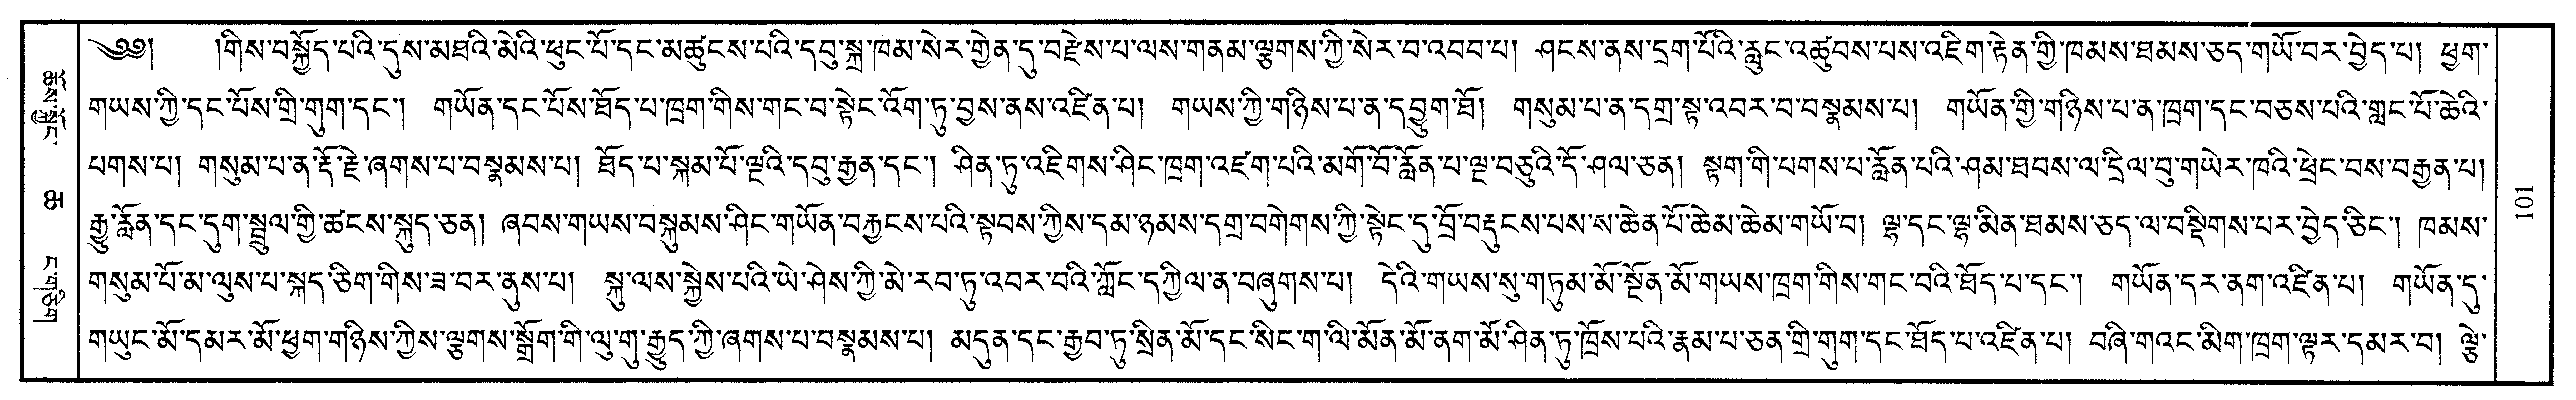༄༅། །གིས་བསྐྱོད་པའི་དུས་མཐའི་མེའི་ཕུང་པོ་དང་མཚུངས་པའི་དབུ་སྐྲ་ཁམ་སེར་གྱེན་དུ་བརྫེས་པ་ལས་གནམ་ལྕགས་ཀྱི་སེར་བ་འབབ་པ། ཤངས་ནས་དྲག་པོའི་རླུང་འཚུབས་པས་འཇིག་རྟེན་གྱི་ཁམས་ཐམས་ཅད་གཡོ་བར་བྱེད་པ། ཕྱག་
གཡས་ཀྱི་དང་པོས་གྲི་གུག་དང་། གཡོན་དང་པོས་ཐོད་པ་ཁྲག་གིས་གང་བ་སྟེང་འོག་ཏུ་བྱས་ནས་འཛིན་པ། གཡས་ཀྱི་གཉིས་པ་ན་དབྱུག་ཐོ། གསུམ་པ་ན་དགྲ་སྟ་འབར་བ་བསྣམས་པ། གཡོན་གྱི་གཉིས་པ་ན་ཁྲག་དང་བཅས་པའི་གླང་པོ་ཆེའི་
པགས་པ། གསུམ་པ་ན་རྡོ་རྗེ་ཞགས་པ་བསྣམས་པ། ཐོད་པ་སྐམ་པོ་ལྔའི་དབུ་རྒྱན་དང་། ཤིན་ཏུ་འཇིགས་ཤིང་ཁྲག་འཛག་པའི་མགོ་བོ་རློན་པ་ལྔ་བཅུའི་དོ་ཤལ་ཅན། སྟག་གི་པགས་པ་རློན་པའི་ཤམ་ཐབས་ལ་དྲིལ་བུ་གཡེར་ཁའི་ཕྲེང་བས་བརྒྱན་པ།
རྒྱུ་རློན་དང་དུག་སྦྲུལ་གྱི་ཚངས་སྐུད་ཅན། ཞབས་གཡས་བསྐུམས་ཤིང་གཡོན་བརྐྱངས་པའི་སྟབས་ཀྱིས་དམ་ཉམས་དགྲ་བགེགས་ཀྱི་སྟེང་དུ་བྲོ་བརྡུངས་པས་ས་ཆེན་པོ་ཆེམ་ཆེམ་གཡོ་བ། ལྷ་དང་ལྷ་མིན་ཐམས་ཅད་ལ་བསྡིགས་པར་བྱེད་ཅིང་། ཁམས་
གསུམ་པོ་མ་ལུས་པ་སྐད་ཅིག་གིས་ཟ་བར་ནུས་པ། སྐུ་ལས་སྐྱེས་པའི་ཡེ་ཤེས་ཀྱི་མེ་རབ་ཏུ་འབར་བའི་ཀློང་དཀྱིལ་ན་བཞུགས་པ། དེའི་གཡས་སུ་གཏུམ་མོ་སྔོན་མོ་གཡས་ཁྲག་གིས་གང་བའི་ཐོད་པ་དང་། གཡོན་དར་ནག་འཛིན་པ། གཡོན་དུ་
གཡུང་མོ་དམར་མོ་ཕྱག་གཉིས་ཀྱིས་ལྕགས་སྒྲོག་གི་ལུ་གུ་རྒྱུད་ཀྱི་ཞགས་པ་བསྣམས་པ། མདུན་དང་རྒྱབ་ཏུ་སྲིན་མོ་དང་སིང་ག་ལི་མོན་མོ་ནག་མོ་ཤིན་ཏུ་ཁྲོས་པའི་རྣམ་པ་ཅན་གྲི་གུག་དང་ཐོད་པ་འཛིན་པ། བཞི་གའང་མིག་ཁྲག་ལྟར་དམར་བ། ལྕེ་